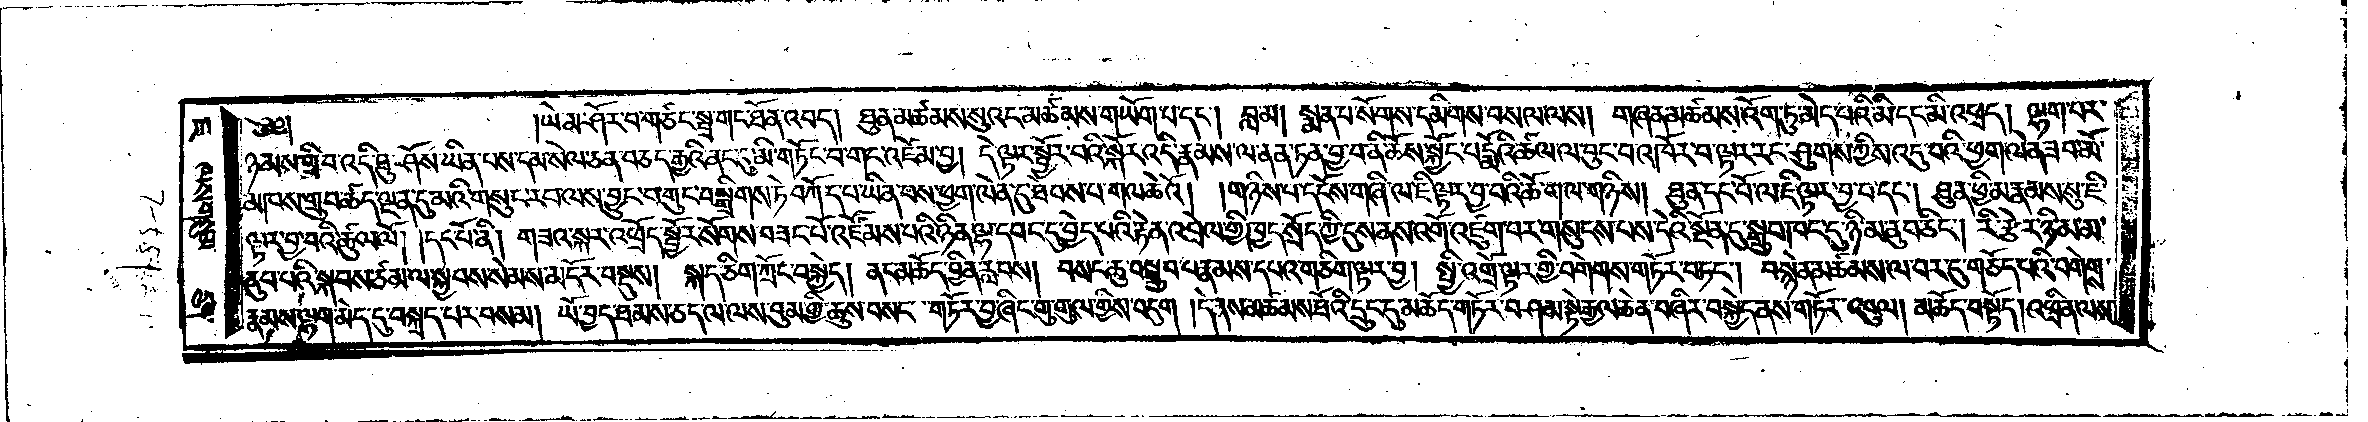༄༅། །ཡེ་མ་ཤོར་བ་གཙང་སྦྲ་གང་ཐོན་འབད། ཐུན་མཚམས་སུའང་མཚམས་གཡོག་པ་དང་། བླ་མ། སྨན་པ་སོགས་དམིགས་བསལ་ལས། གཞན་མཚམས་འོག་ཏུ་མེད་པའི་མི་དང་མི་འཕྲད། ལྷག་པར་
ཉམས་གྲིབ་འདི་ཐུ་ཤོས་ཡིན་བས་དམ་སེལ་ཅན་བཅད་རྒྱའི་ནང་དུ་མི་གཏོང་བ་གང་འཛེམ་བྱ། དེ་ལྟར་སྦྱོར་འདི་རྣམས་ལ་ནན་ཏན་བྱ་བ་ནི་ཆོས་སྐྱོང་པདམོའི་ཚལ་ལ་བུང་བ་འཁོར་བ་ལྟར་རང་ཤུགས་ཀྱིས་འདུ་བའི་ཕྱག་ལེན་ཟབ་མོ་
མཁས་གྲུབ་ཚད་ལྡན་དུ་མའི་གསུང་རབ་ལས་བྱུང་བ་གུང་བསྒྲིགས་ཏེ་བཀོད་པ་ཡིན་པས་ཕྱག་ལེན་དུ་ཐེབས་པ་གལ་ཆེའོ། །གཉིས་པ་དངོས་གཞི་ལ་ཇི་ལྟར་བྱ་བའི་ཆོ་ག་ལ་གཉིས། ཐུན་དང་པོ་ལ་ཇི་ལྟར་བྱ་བ་དང་། ཐུན་ཕྱི་མ་རྣམས་སུ་ཇི་
ལྟར་བྱ་བའི་ཚུལ་ལོ། །དང་པོ་ནི། གཟའ་སྐར་འཕྲོད་སྦྱོར་སོགས་བཟང་པོ་འཛོམས་པའི་ཉིན་ལྷ་དབང་དུ་བྱེད་པའི་རྟེན་འབྲེལ་གྱི་ཁྱད་སྲོད་ཀྱི་དུས་ནས་འགོ་འཛུག་པར་གསུངས་པས་དེའི་སྔོན་དུ་སྒྲུབ་ཁང་དུ་ཉི་མ་ནུབ་ཅིང་། རི་རྩེར་ཉི་མ་མ་
ནུབ་པའི་སྐབས་ཙམ་ལ་སྐྱབས་སེམས་མདོར་བསྡུས། སྐད་ཅིག་ཀྲོང་བསྐྱེད། ནང་མཆོད་བྱིན་རླབས། བསང་ཆུ་བསྒྲུབ་པ་རྣམས་དཔའ་གཅིག་ལྟར་བྱ། སྤྱི་འགྲོ་ལྟར་གྱི་བགེགས་གཏོར་བཏང་། བསྙེན་མཚམས་ལ་བར་དུ་གཅོད་པའི་བགེགས་
རྣམས་ལྷག་མེད་དུ་བསྐྲད་པར་བསམ། ཡོ་བྱད་ཐམས་ཅད་ལ་ལས་བུམ་གྱི་ཆུས་བསང་གཏོར་བྱ་ཞིང་གུ་གུལ་གྱིས་བདུག །དེ་ནས་མཚམས་ཐོའི་དྲུང་དུ་མཆོད་གཏོར་བཤམ་སྟེ་རྒྱལ་ཆེན་བཞིར་བསྐྱེད་ནས་གཏོར་འབུལ། མཆོད་བསྟོད། འཕྲིན་ལས་